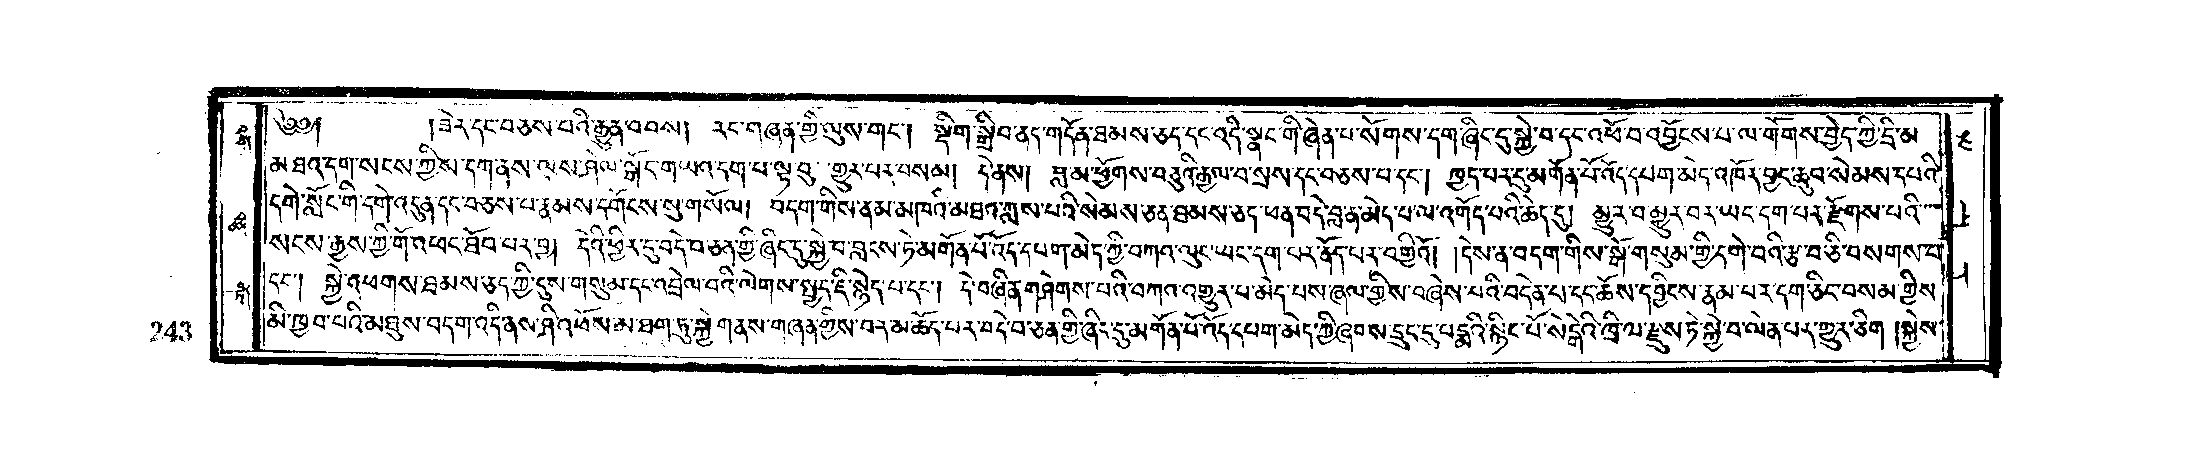༄༅། །ཟེར་དང་བཅས་པའི་རྒྱུན་བབས། རང་གཞན་གྱི་ལུས་གང་། སྡིག་སྒྲིབ་ནད་གདོན་ཐམས་ཅད་དང་འདི་སྣང་གི་ཞེན་པ་སོགས་དག་ཞིང་དུ་སྐྱེ་བ་དང་འཕོ་བ་འབྱོངས་པ་ལ་གོགས་བྱེད་ཀྱི་དྲི་མ་
མཐའ་དག་སངས་ཀྱིས་དག་ནས་ལུས་ཤེལ་སྒོང་གཡའ་དག་པ་ལྟ་བུ་གྱུར་པར་བསམ། དེ་ནས། བླ་མ་ཕྱོགས་བཅུའི་རྒྱལ་བ་སྲས་དང་བཅས་པ་དང་། ཁྱད་པར་དུ་མགོན་པོ་འོད་དཔག་མེད་འཁོར་བྱང་ཆུབ་སེམས་དཔའི་
དགེ་སློང་གི་དགེ་འདུན་དང་བཅས་པ་རྣམས་དགོངས་སུ་གསོལ། བདག་གིས་ནམ་མཁའི་མཐའ་ཀླས་པའི་སེམས་ཅན་ཐམས་ཅད་ཕན་བདེ་བླ་ན་མེད་པ་ལ་འགོད་པའི་ཆེད་དུ། མྱུར་བ་མྱུར་བར་ཡང་དག་པར་རྫོགས་པའི་
སངས་རྒྱས་ཀྱི་གོ་འཕང་ཐོབ་པར་བྱ། དེའི་ཕྱིར་དུ་བདེ་བ་ཅན་གྱི་ཞིང་དུ་སྐྱེ་བ་བླངས་ཏེ་མགོན་པོ་འོད་དཔག་མེད་ཀྱི་བཀའ་ལུང་ཡང་དག་པར་ནོད་པར་བགྱིའོ། །དེས་ན་བདག་གིས་སྒོ་གསུམ་གྱི་དགེ་བའི་རྩ་བ་ཅི་བསགས་པ་
དང་། སྐྱེ་འཕགས་ཐམས་ཅད་ཀྱི་དུས་གསུམ་དང་འབྲེལ་བའི་ལེགས་སྤྱད་ཇི་སྙེད་པ་དང་། དེ་བཞིན་གཤེགས་པའི་བཀའ་འགྱུར་པ་མེད་པས་ཞལ་གྱིས་བཞེས་པའི་བདེན་པ་དང་ཆོས་དབྱིངས་རྣམ་པར་དག་ཅིང་བསམ་གྱིས་
མི་ཁྱབ་པའི་མཐུས་བདག་འདི་ནས་ཤི་འཕོས་མ་ཐག་ཏུ་སྐྱེ་གནས་གཞན་གྱིས་བར་མ་ཆོད་པར་བདེ་བ་ཅན་གྱི་ཞིང་དུ་མགོན་པོ་འོད་དཔག་མེད་ཀྱི་ཞབས་དྲུང་དུ་པདམའི་སྙིང་པོ་སེངྒེའི་ཁྲི་ལ་རྫུས་ཏེ་སྐྱེ་བ་ལེན་པར་གྱུར་ཅིག །སྐྱེས་